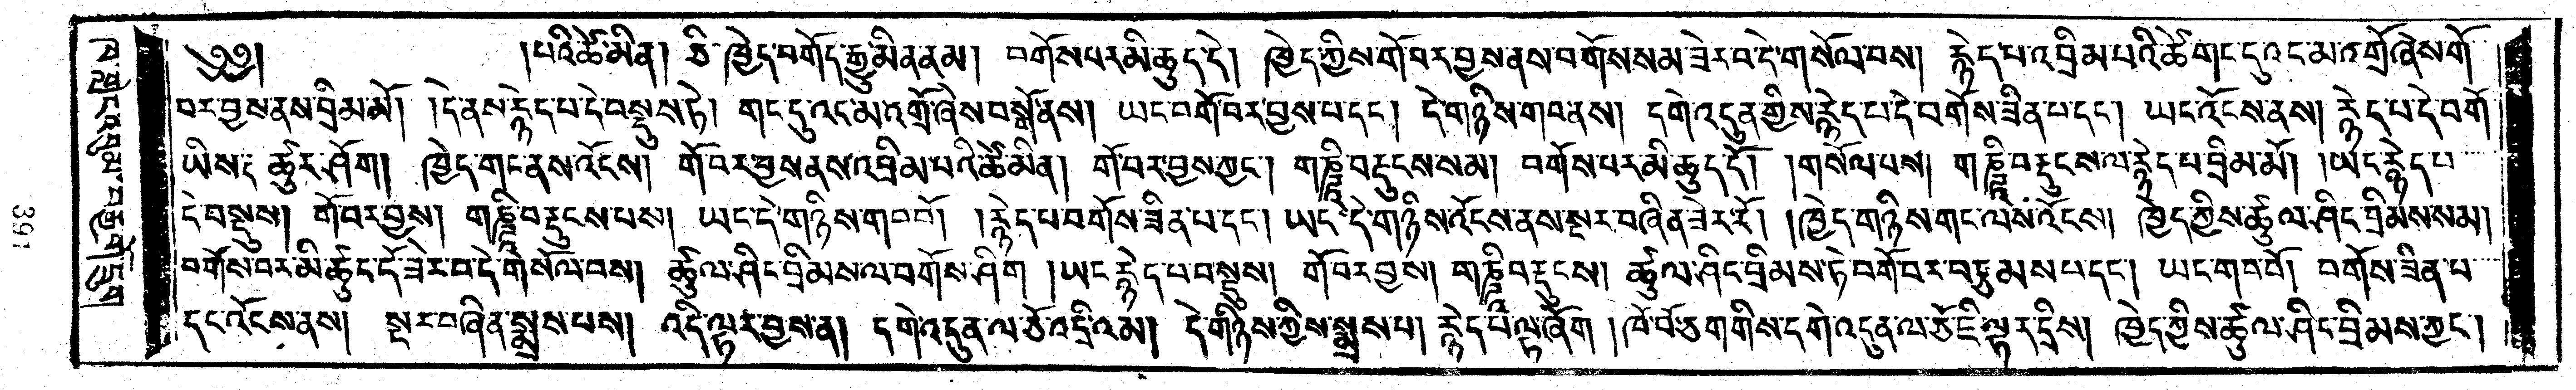༄༅། །པའི་ཚེ་མིན། ཅི་ཁྱེད་བགོད་རྒྱུ་མིན་ནམ། བགོས་པར་མི་ཆུད་དེ། ཁྱེད་ཀྱིས་གོ་བར་བྱས་ནས་བགོས་སམ་ཟེར་བ་དེ་གསོལ་བས། རྙེད་པ་འབྲིམ་པའི་ཚེ་གང་དུའང་མ་འགྲོ་ཞེས་གོ་
བར་བྱས་ནས་བྲིམ་མོ། །དེ་ནས་རྙེད་པ་དེ་བསྡུས་ཏེ། གང་དུ་འང་མ་འགྲོ་ཞེས་བསྒོ་ནས། ཡང་བགོ་བར་བྱས་པ་དང་། དེ་གཉིས་གབ་ནས། དགེ་འདུན་གྱིས་རྙེད་པ་དེ་བགོས་ཟིན་པ་དང་། ཡང་འོངས་ནས། རྙེད་པ་དེ་བགོ་
ཡིས༑ ཚུར་ཤོག། ཁྱེད་གང་ནས་འོངས། གོ་བར་བྱས་ནས་འབྲིམ་པའི་ཚེ་མིན། གོ་བར་བྱས་ཀྱང་། གཎྜཱི་བརྡུངས་སམ། བགོས་པར་མི་ཆུད་དོ། །གསོལ་པས། གཎྜཱི་བརྡུངས་ལ་རྙེད་པ་བྲིམ་མོ། །ཡང་རྙེད་པ་
དེ་བསྡུས། གོ་བར་བྱས། གཎྜཱི་བརྡུངས་པས། ཡང་དེ་གཉིས་གབ་བོ། །རྙེད་པ་བགོས་ཟིན་པ་དང་། ཡང་དེ་གཉིས་འོངས་ནས་སྔར་བཞིན་ཟེར་རོ། །ཁྱེད་གཉིས་གང་ལས་འོངས། ཁྱེད་ཀྱིས་ཚུལ་ཤིང་བྲིམས་སམ།
བགོས་བར་མི་ཚུང་དོ་ཟེར་བ་དེ་གསོལ་བས། ཚུལ་ཤིང་བྲིམས་ལ་བགོས་ཤིག །ཡང་རྙེད་པ་བསྡུས། གོ་བར་བྱས། གཎྜཱི་བརྡུངས། ཚུལ་ཤིང་བྲིམས་ཏེ་བགོ་བར་བརྩམས་པ་དང་། ཡང་གབ་བོ། བགོས་ཟིན་པ་
དང་འོངས་ནས། སྔར་བཞིན་སྨྲས་པས། འདི་ལྟར་བྱས་ན། དགེ་འདུན་ལ་ཅོ་འདྲི་འམ། དེ་གཉིས་ཀྱིས་སྨྲས་པ། རྙེད་པ་ལྟ་ཞོག །ཁོ་བོ་ཅག་གིས་དགེ་འདུན་ལ་ཅོ་ཇི་ལྟར་དྲིས། ཁྱེད་ཀྱིས་ཚུལ་ཤིང་བྲིམས་ཀྱང་།